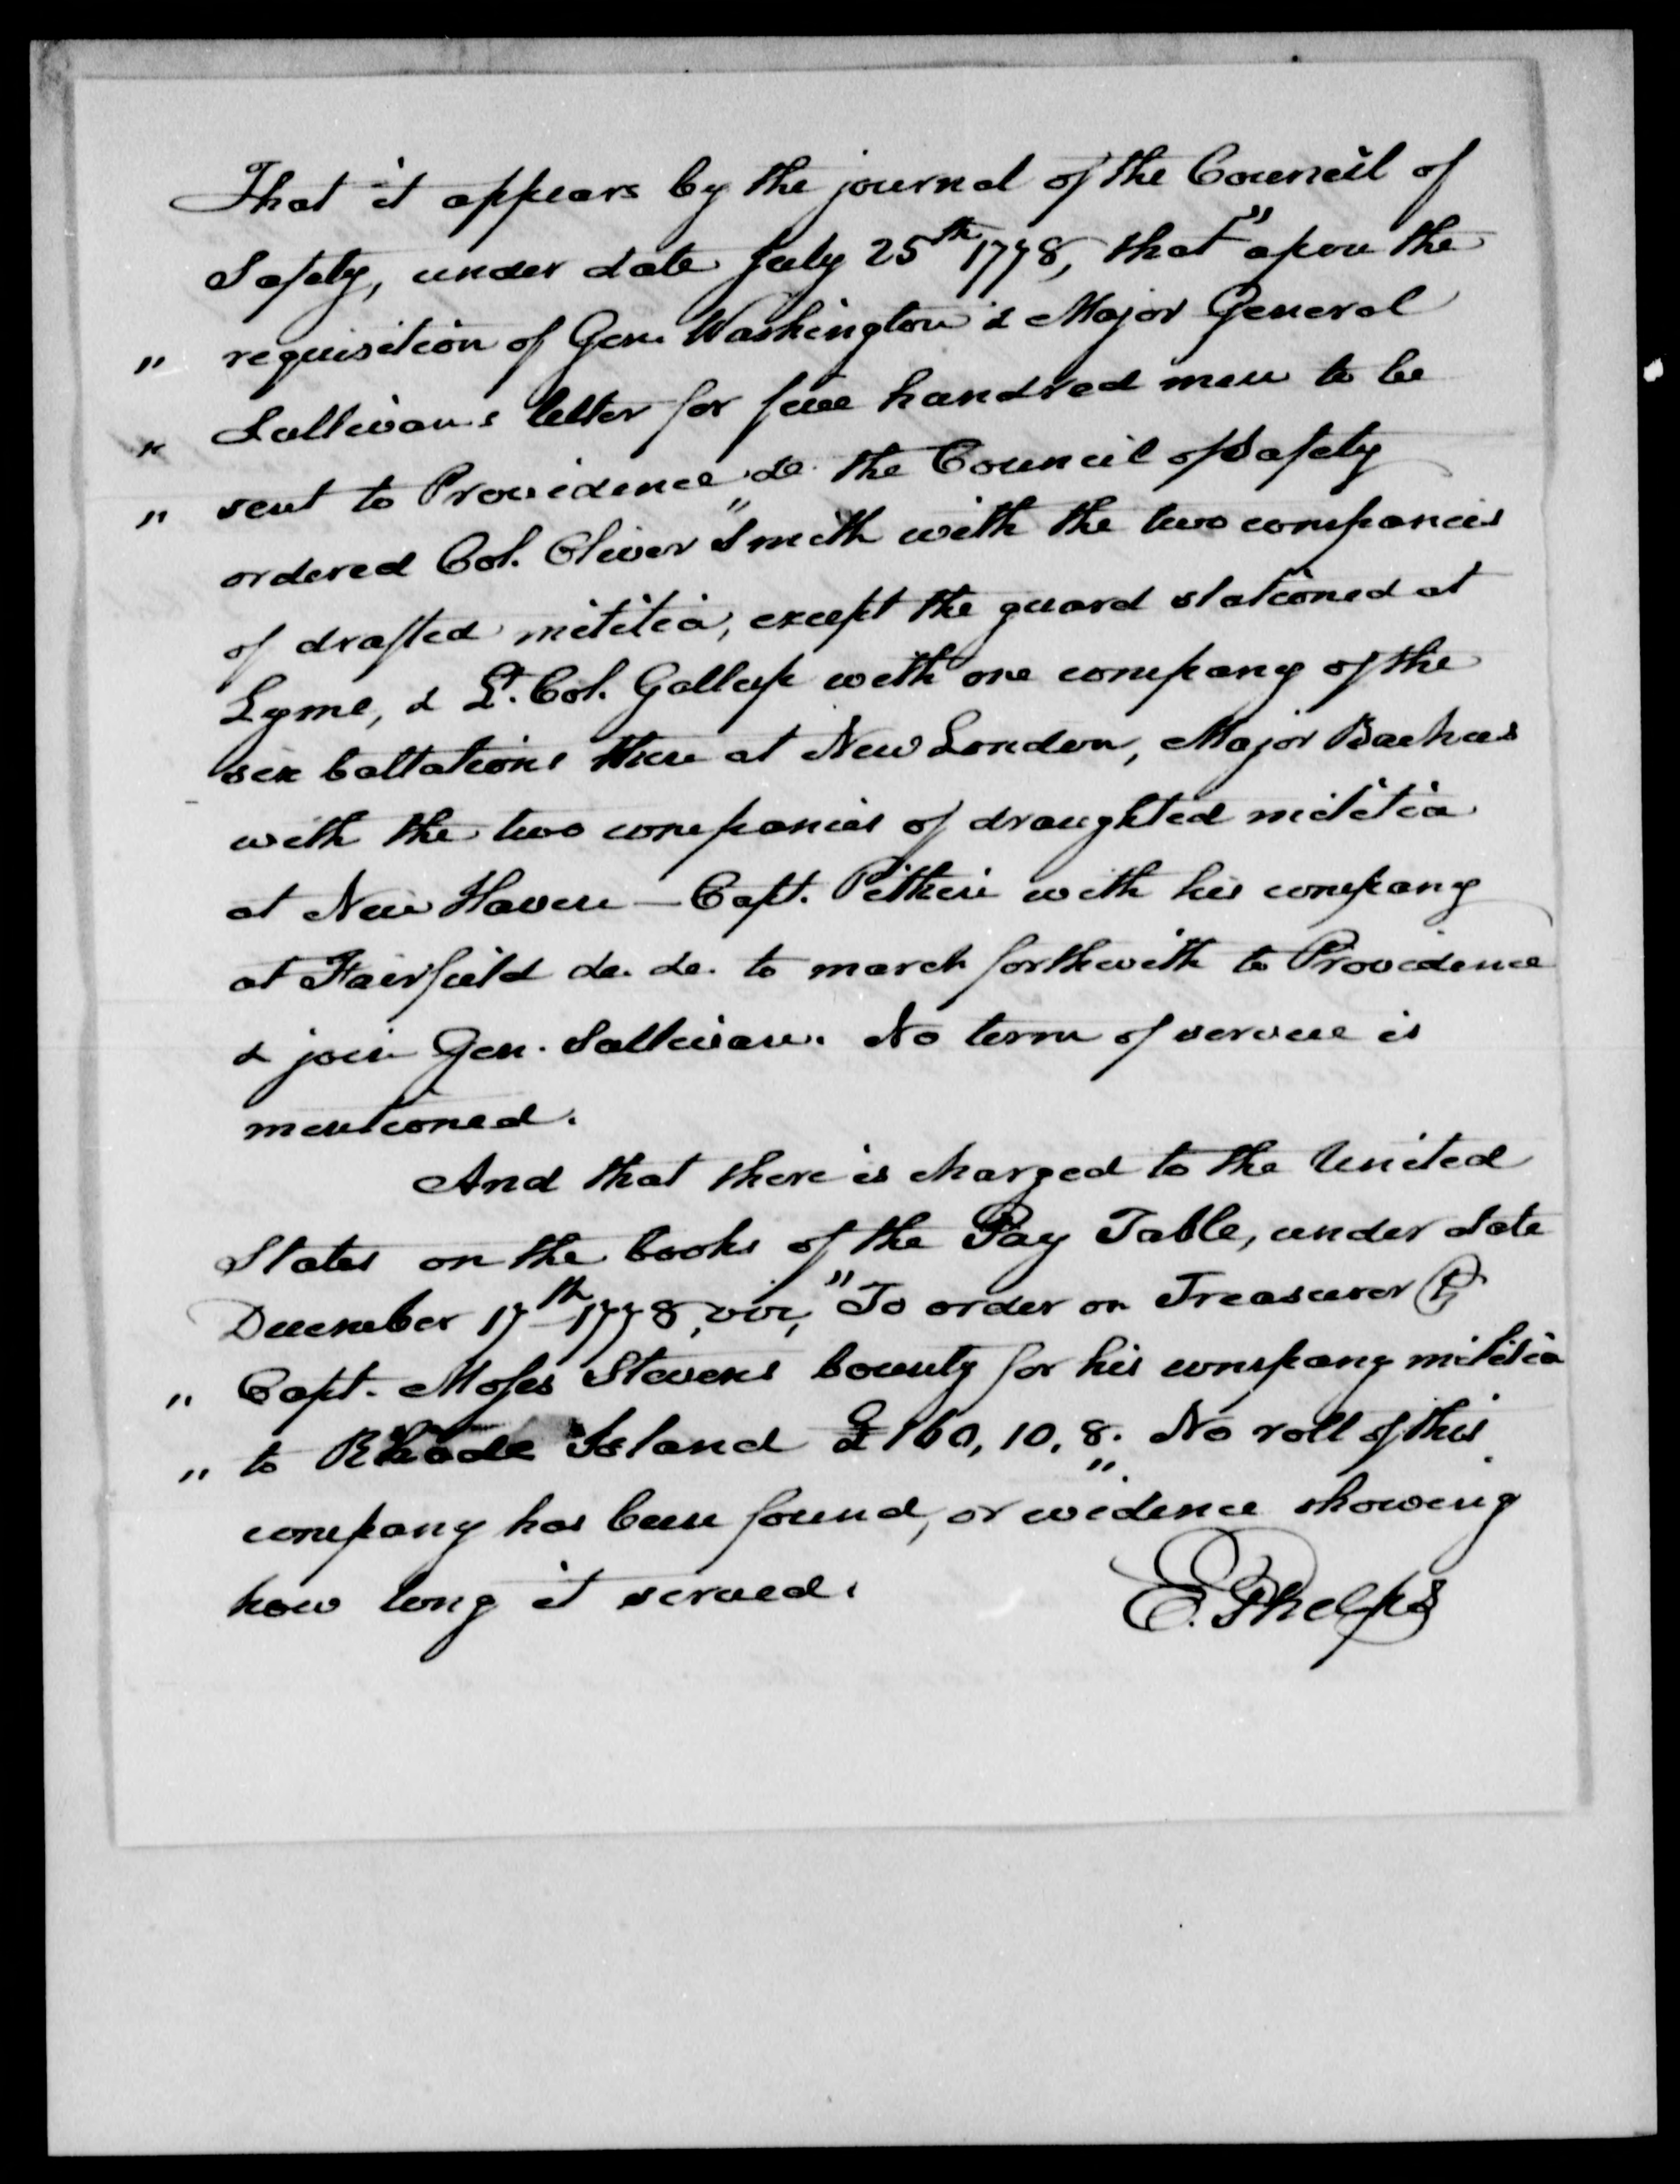That it appears by the journal of the Council of Safety, under date July 25th 1778, that "upon the
requisition of Gen Washington & Major General Sullivan letter for five handed men to be sent to Providence & the Council of Safety ordered Col. Oliver "Smith with the two companies of drafted militia, except the guard stationed at Lyme, & L. Col. Gallup with one company of the six battalions there at New London, Major Backus with the two companies of draughted militia
at New Haven ─ Capt Peltier with his company at Fairfied &c &c to march forthwith to Providence
& join Gen. Sullivan. No term of service is mentioned.
And that there is charged to the United States on the books of the Pay Table, under date
December 17th 1798, viz, "To order on Treasurer [?] Capt. Moses Stevens bounty for his company militia to Rhode Island £160, 10. 8." No roll of this company has been found, or evidence showing
how long it served
[signature] E. Phelps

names: Pitkin, Oliver Smith, E Phelps, Washington, Sullivan, Moses Stevens, Gallup, Backas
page: 26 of 29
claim: widow's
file: W. 22604, Prosper Wheeler, Conn.